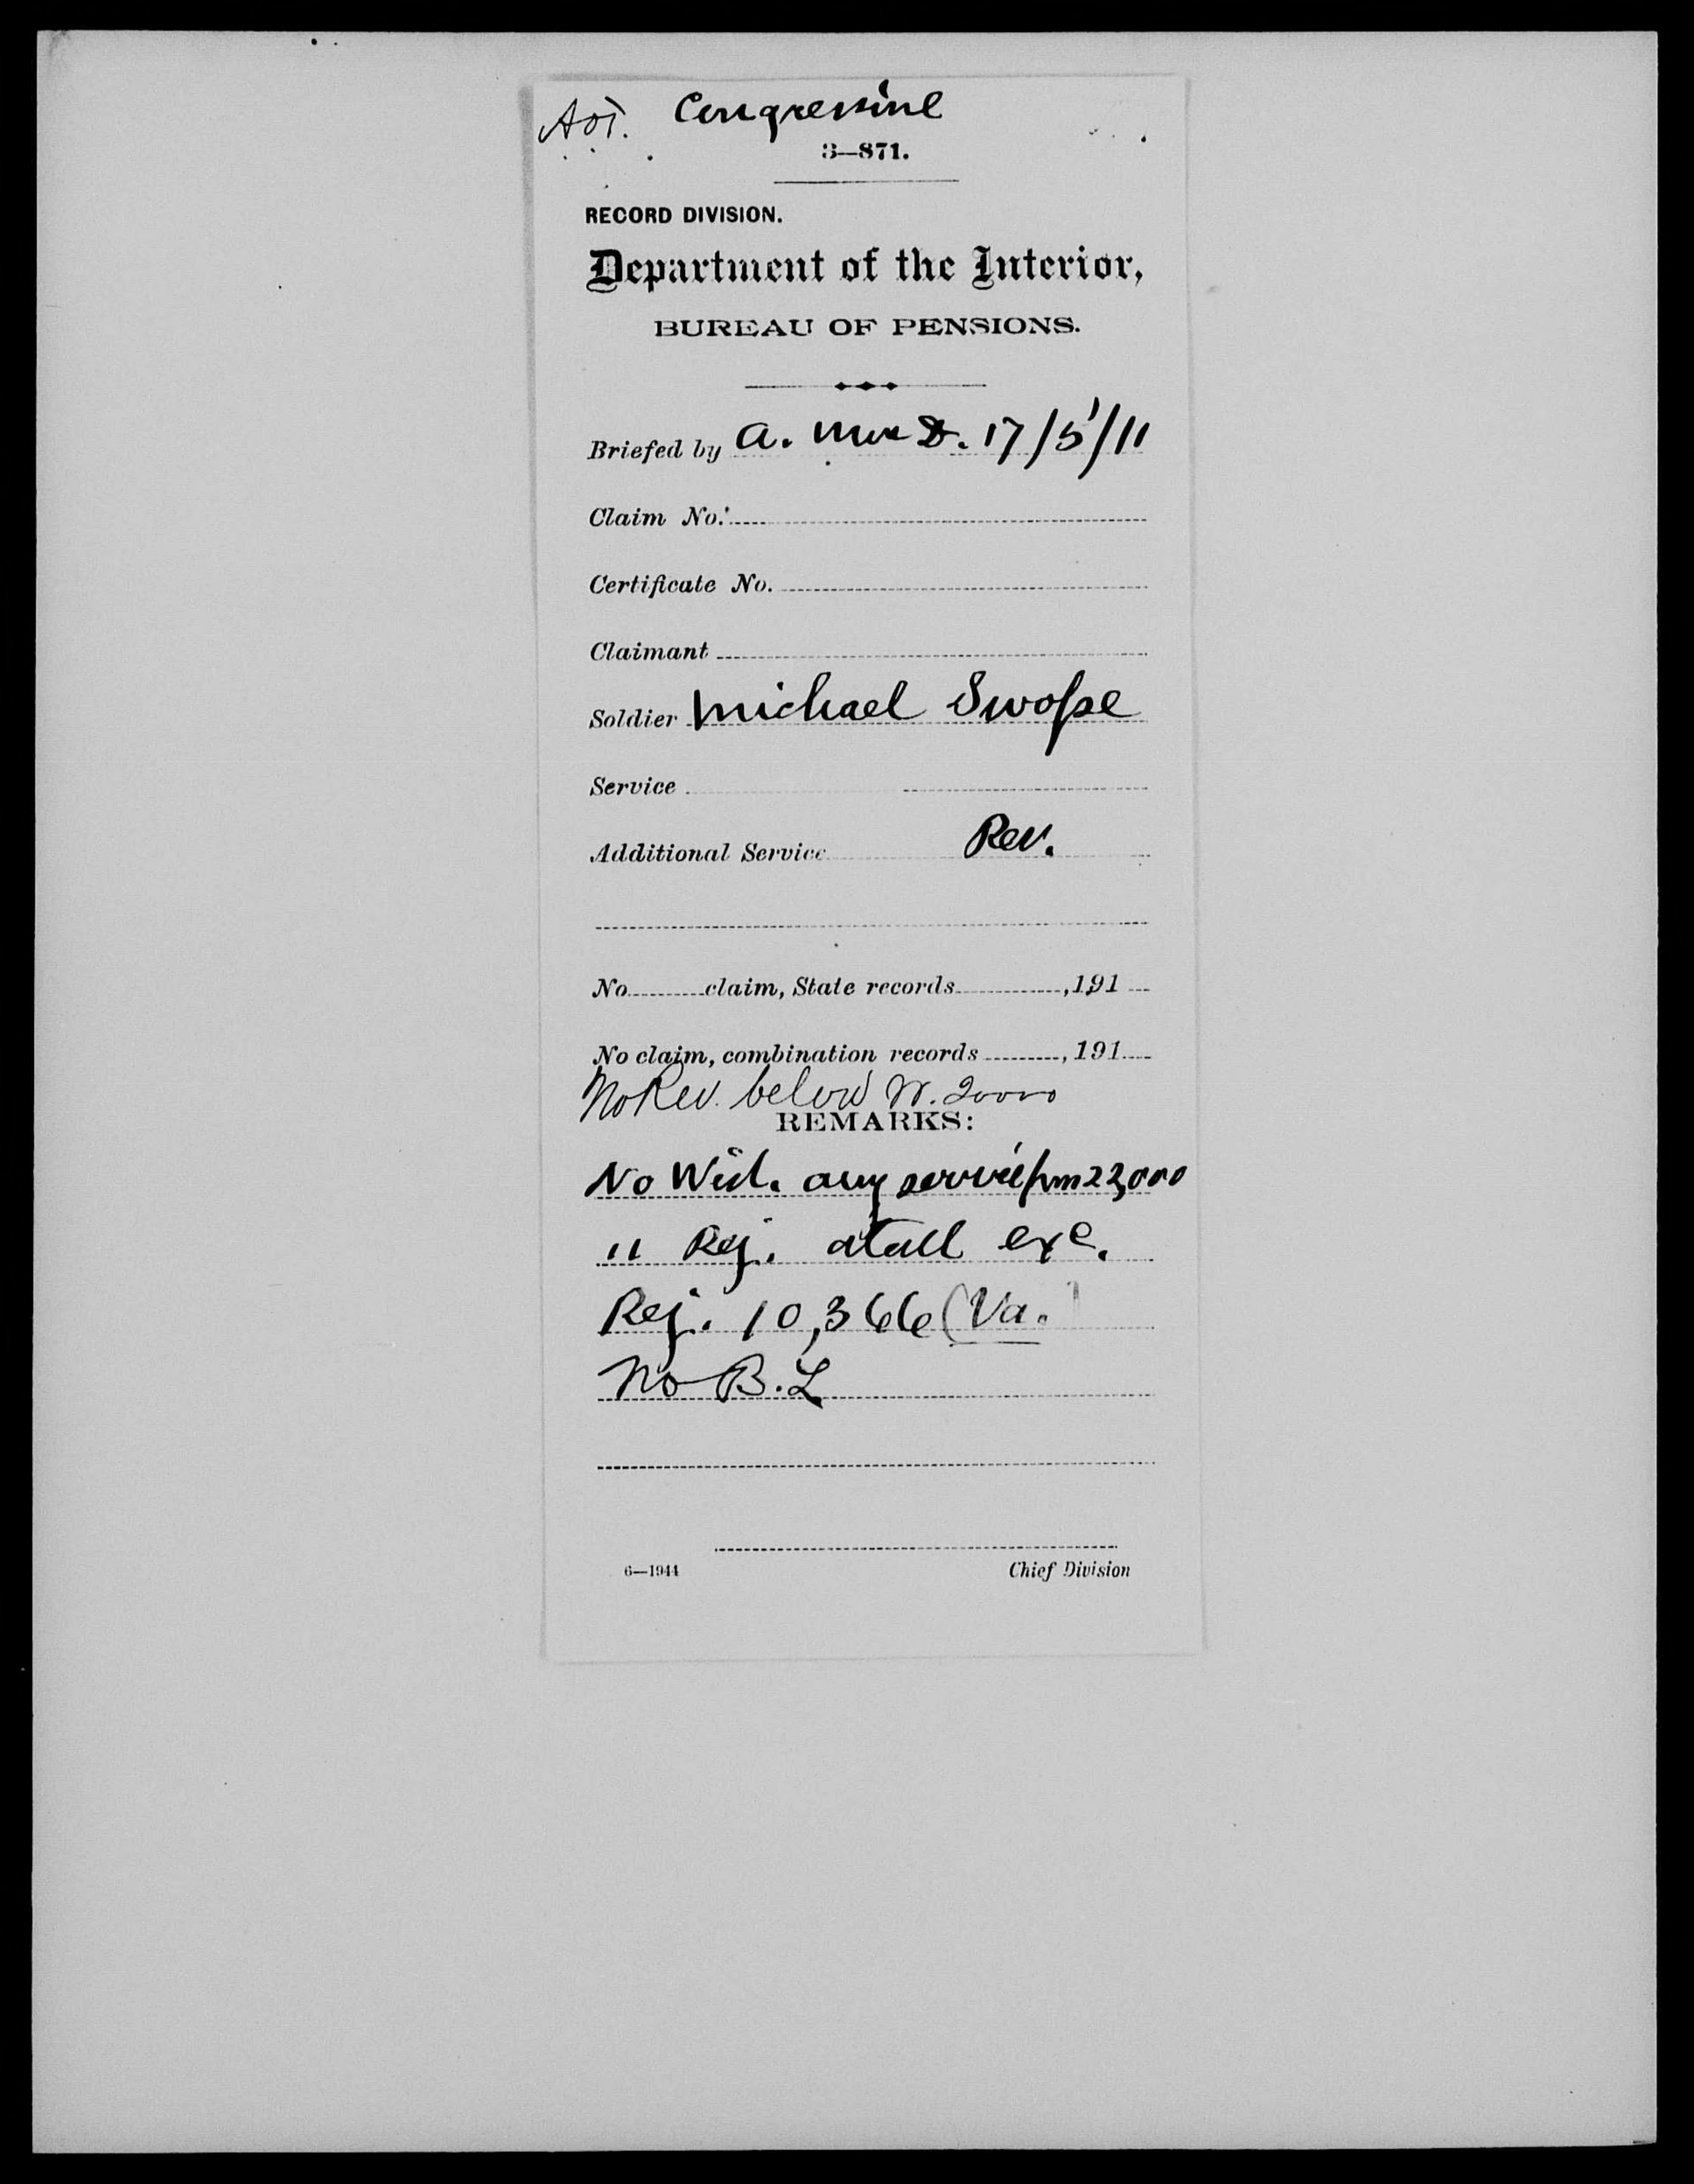Act Congressive
3 -- 871.

RECORD DIVISION.
Department of the Interior,
BUREAU OF PENSIONS.
-
Briefed by A.M.D. 17 /5 /11
Claim No.
Certificate No.
Claimant
Soldier Michael Swope
Service.
Additional Service Rev.
No claim, State records 191...
No claim, combination records 191...
No Rev.  below W Iowa
REMARKS:
No Wid.  any service from 23000
11 Rej atall exc.
Reg. 10,366 (Va.
No B.L.
6 -- 1944
Chief Division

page: 13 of 16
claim: rejected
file: R 10366, for Michael Swope, Virginia